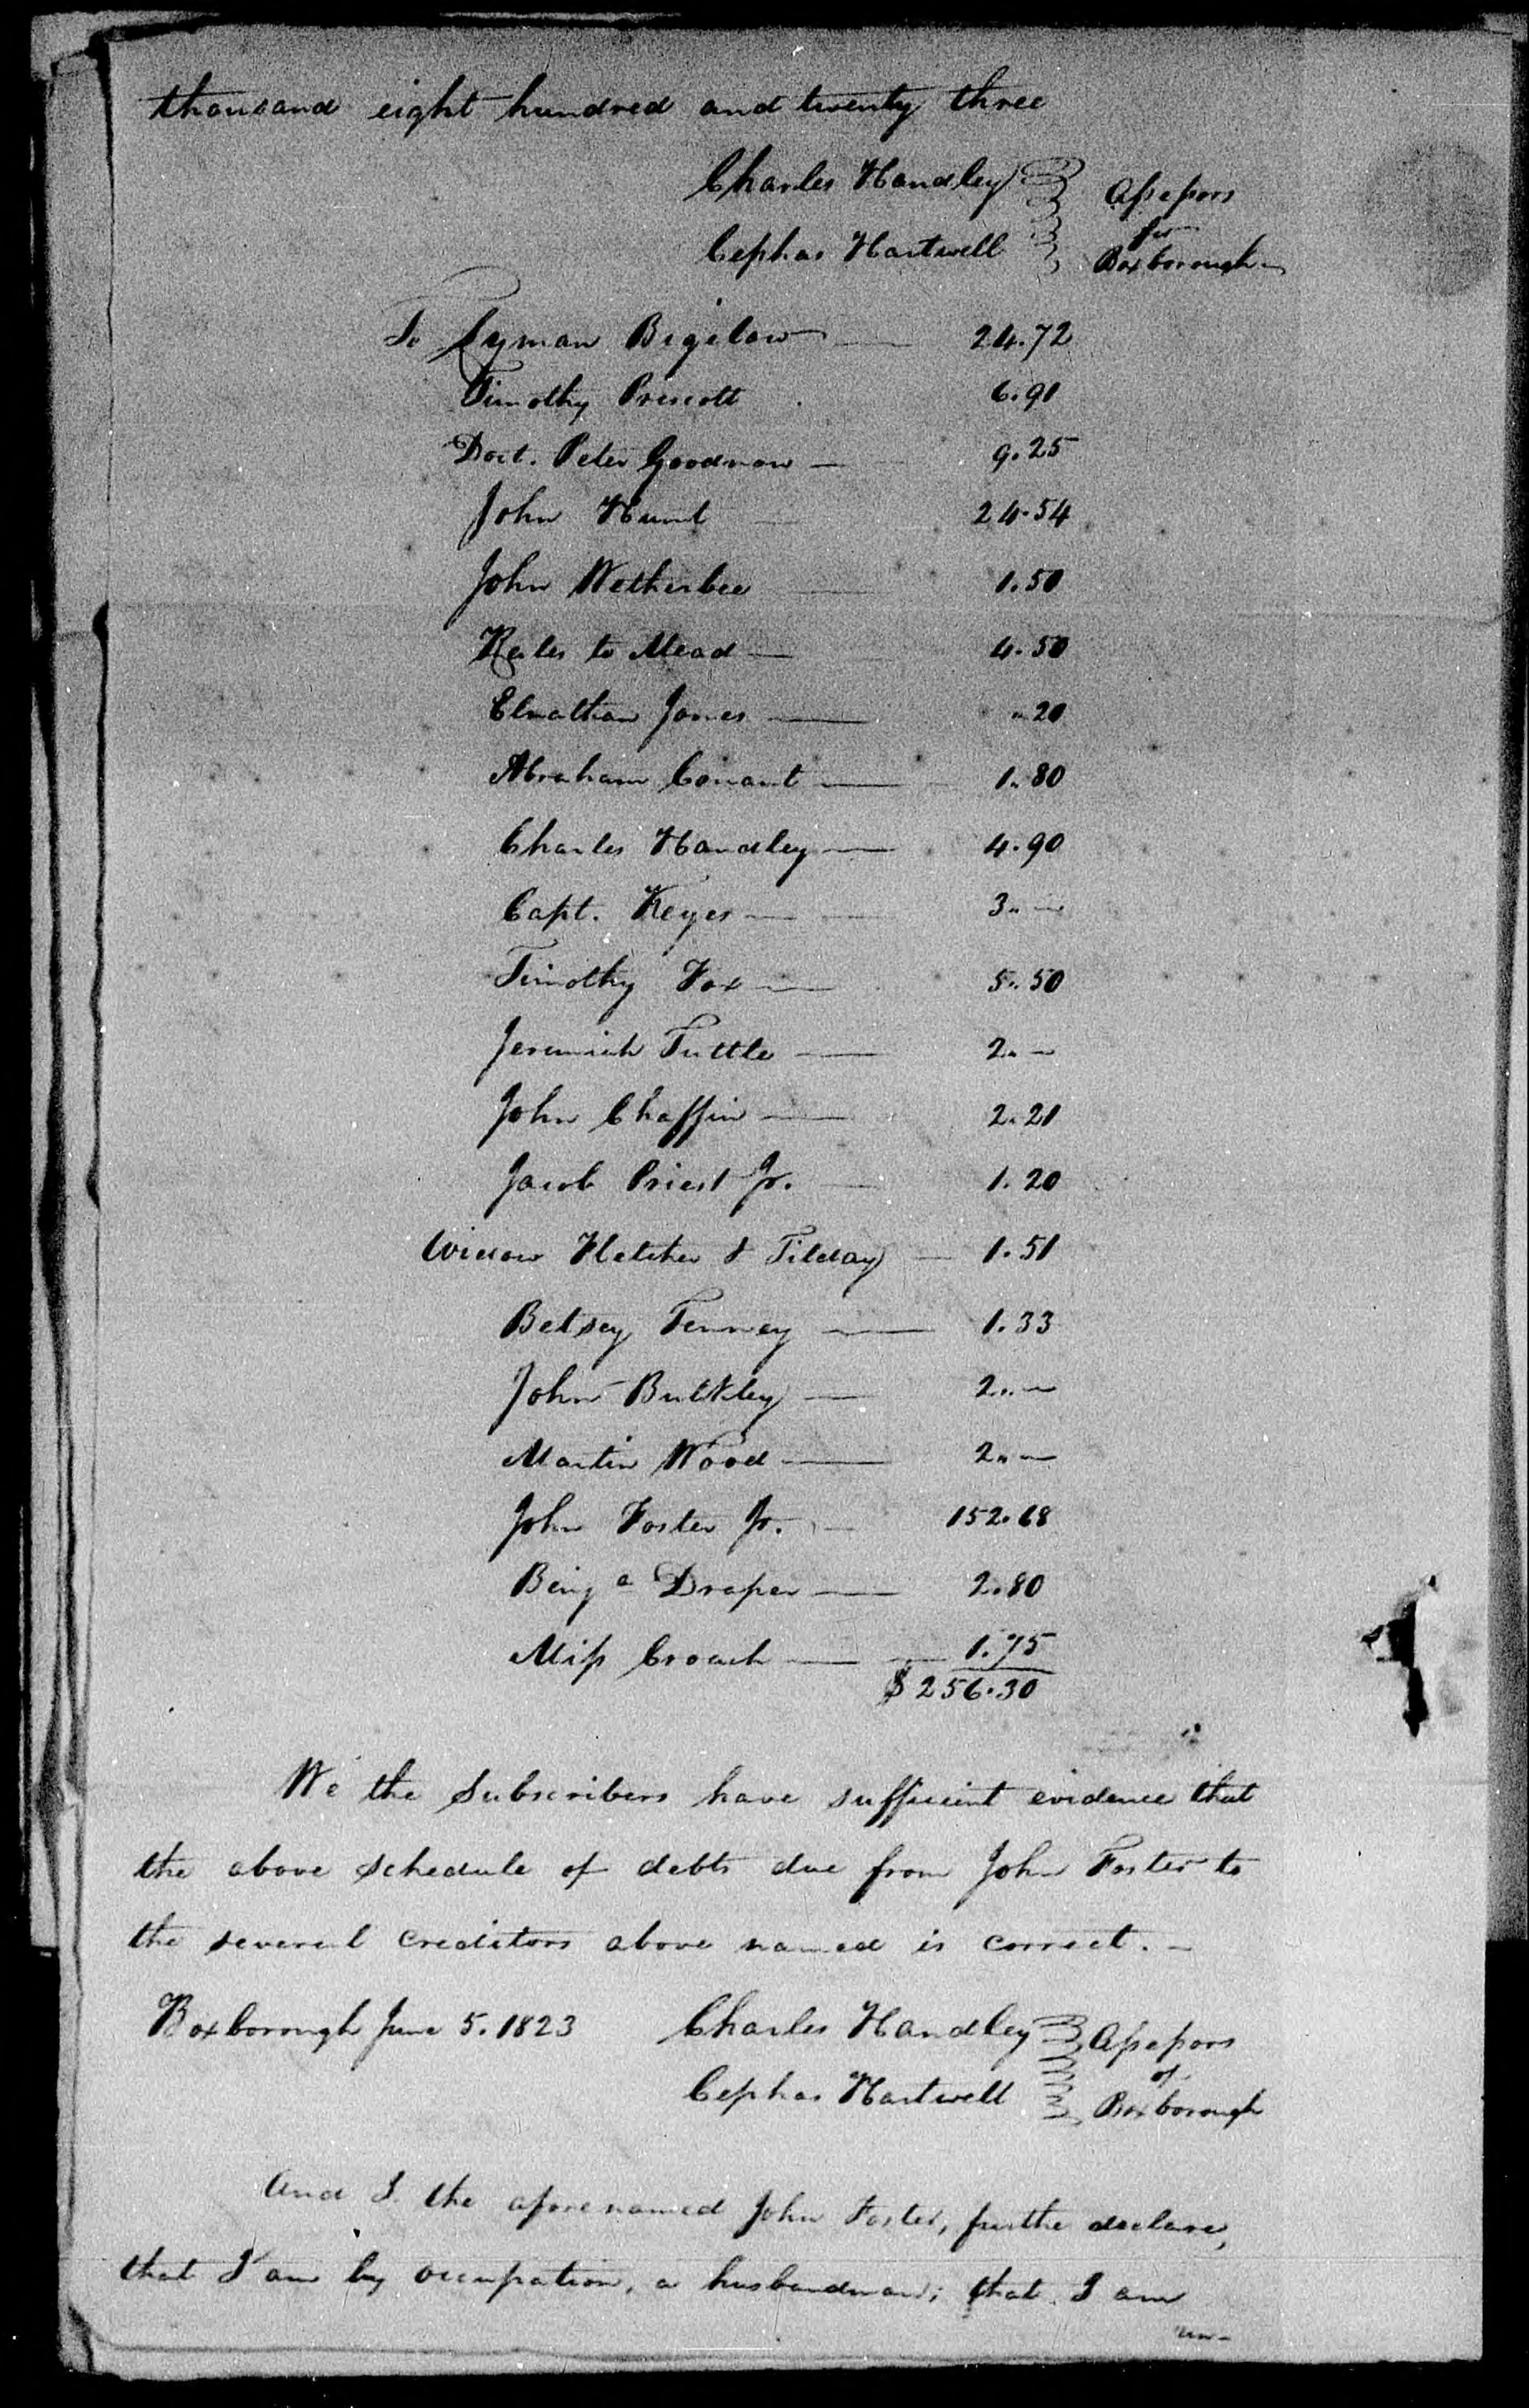thousand eight hundred and twenty three
Charles Handley
Cephas Hartwell
assessors for Boxborough
To Lyman Bigelow 24.72
Timothy Prescott 6.90
Doct. Peter Goodnow 9.25
John Hunt 24.54
John Wetherbee 1.50
[illegible] Mead 4.50
Elnathan Jones .20
Abraham Conaut 1.80
Charles Handley 4.90
Capt Keyes 3.
Timothy Fox 5.50
Jeremiah Tuttle 2.
John Caffin 2.21
Jacob Priest Jr 1.20
Widow Fletcher and Tilday 1.51
Betsey Fenney 1.33
John Buckley 2.
Martin Wood 2.
John Foster Jr. 152.68
Benjamin a Draper  2.80
Miss Crouch 1.75
----
$256.30

We the subscribers have sufficient evidence that the above schedule of debts due from Joh Foster to the several creditors above named is correct.
Boxborough June 5, 1823
Charles Handley 
Cephas Hartwell
Assessors of Boxborough
and I the aforenamed John Foster, further declare that I am by occupation a husbandman; that I am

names: Timothy Prescott, John Bulkley, Elnathan Jones, Charles Handley, Mead, Charles Handley, John Chaffin, Jeremiah Tuttle, Benja Draper, Lyman Bigelow, John Foster, John Hunt, John Foster, Crowch, Charles Handley, Jacob Priest, Cephas Hartwell, Peter Goodnow, Abraham Conant, Betsey Tenney, Fletcher, Timothy Fox, John Wetherbee, Cephas Hartwell, Tilday, John Foster, Keyes, Martin Wood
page: 28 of 47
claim: widow's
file: W. 7,302, John Foster, Continental Mass. R.I.